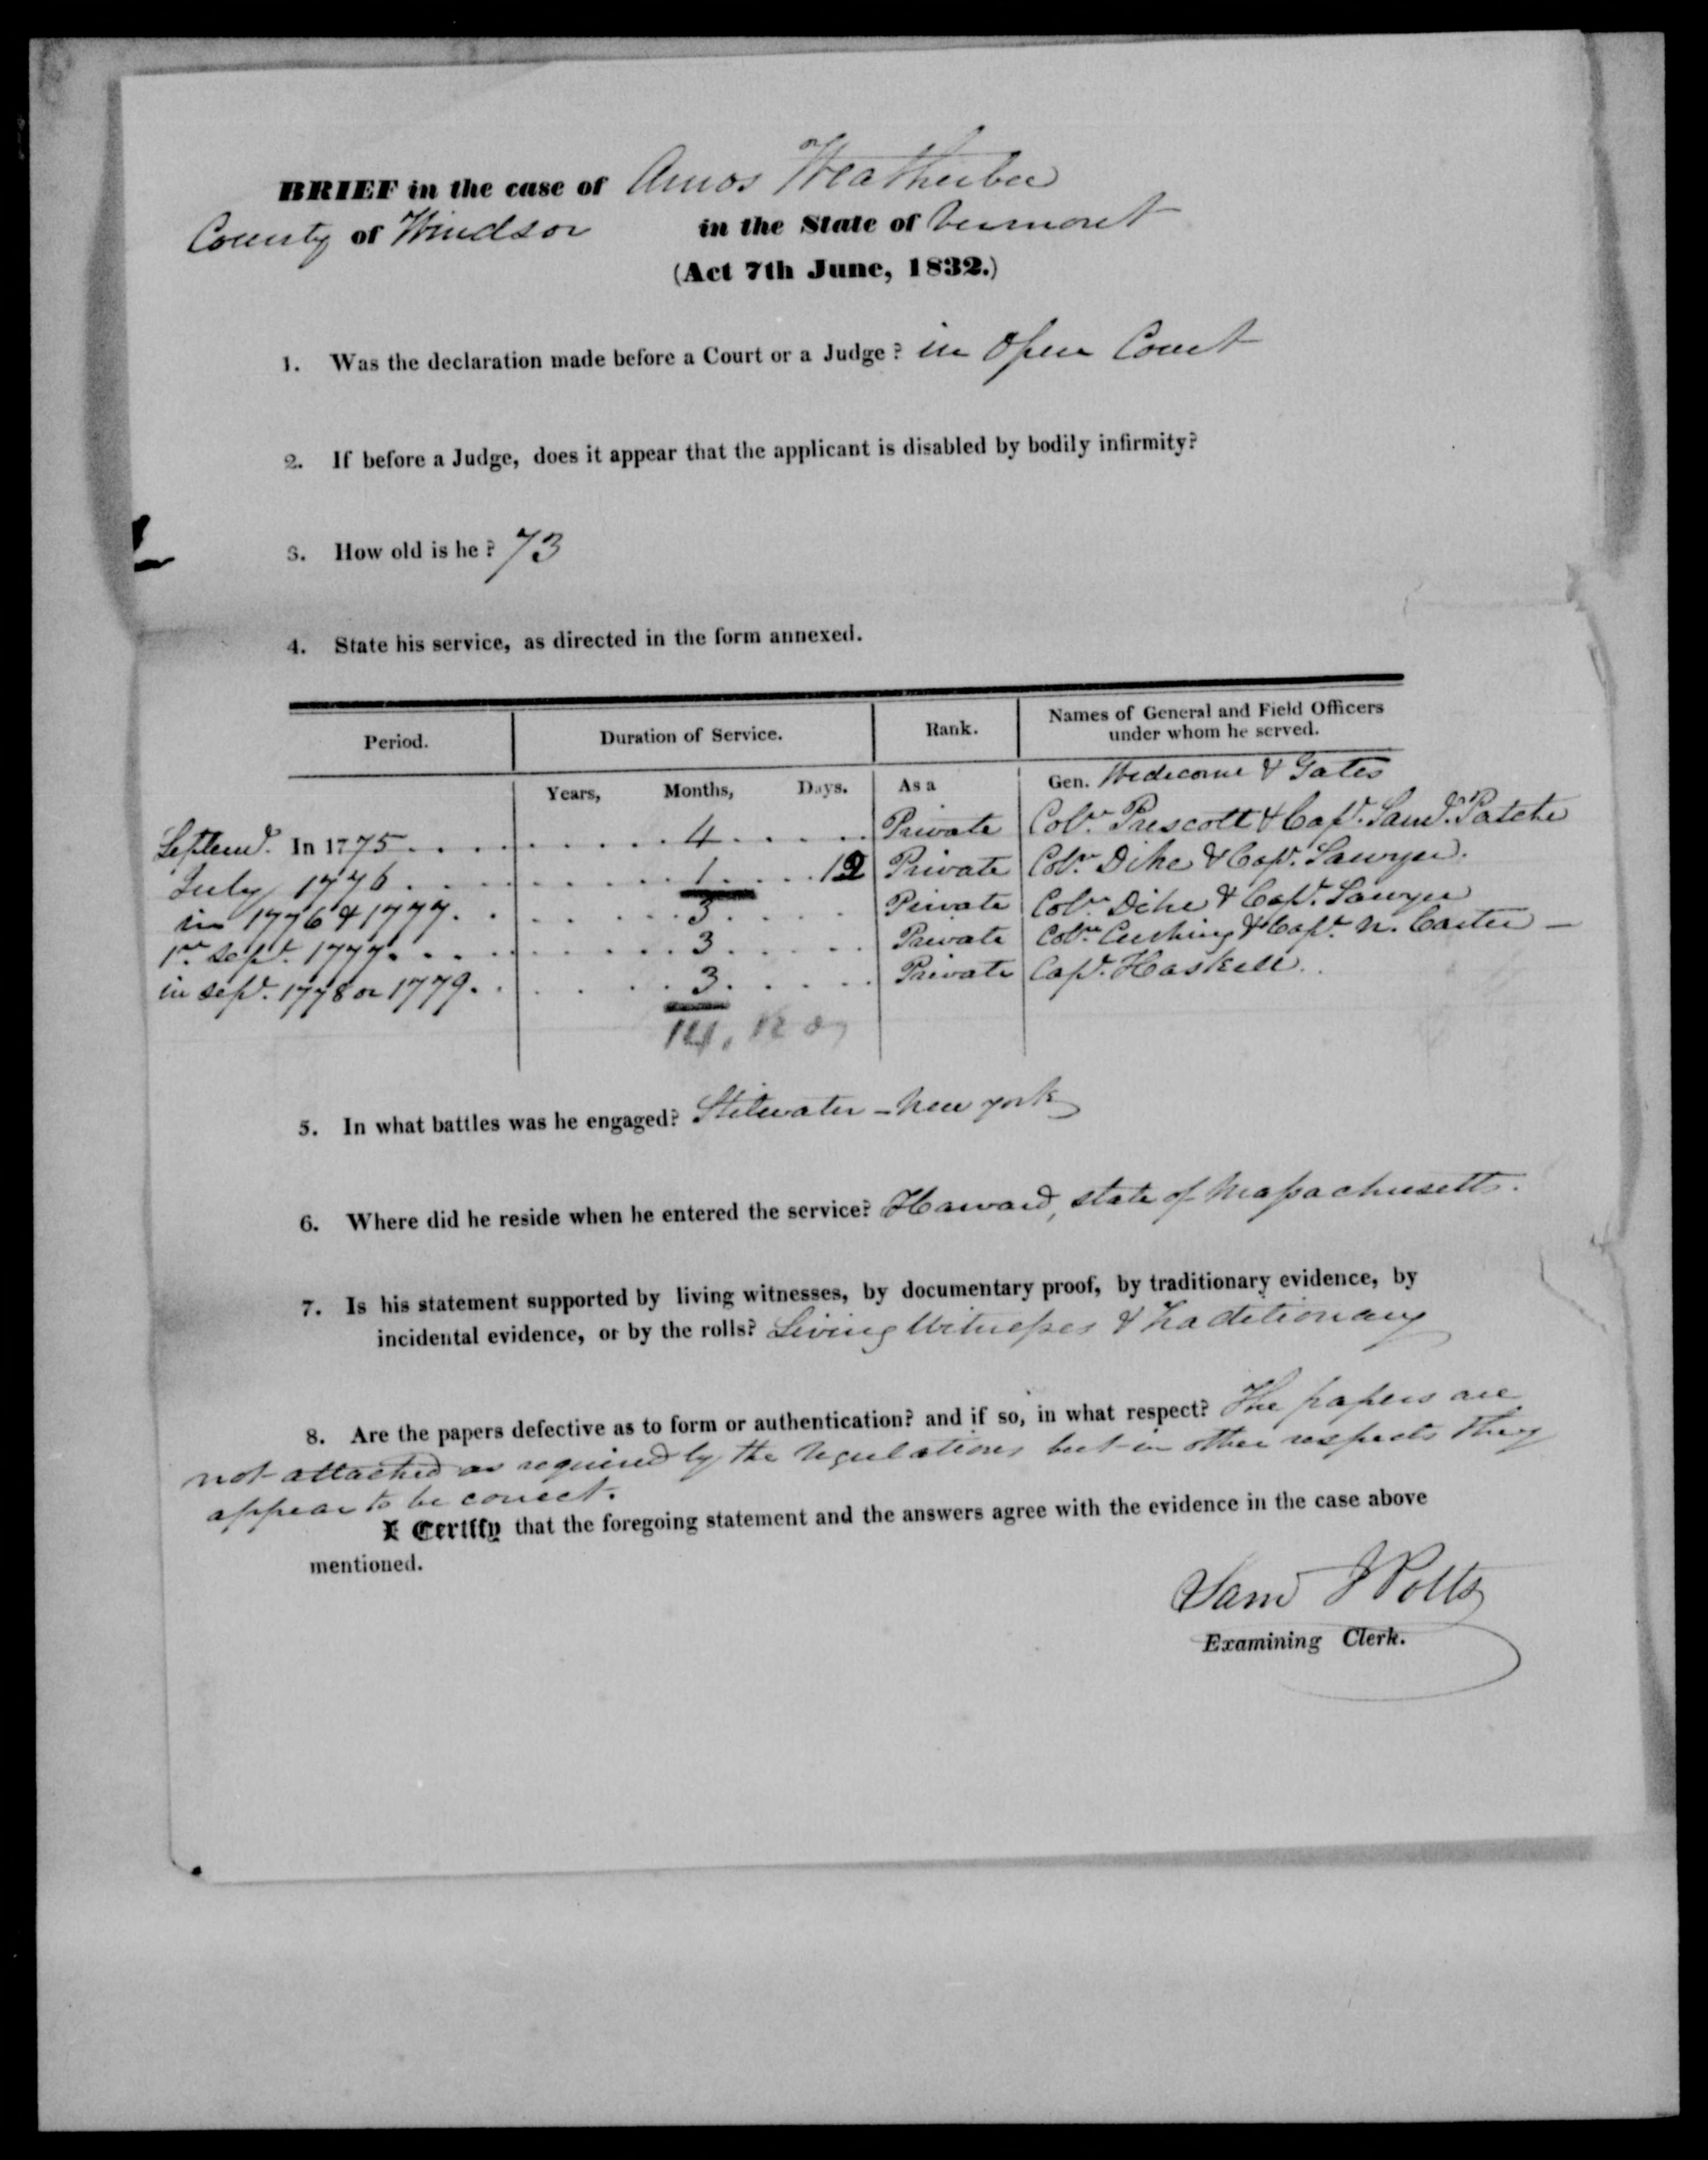BRIEF in the case of Amos Weatherbee County of Windsor in the State of Vermont 
(Act 7th June 1832)

1. Was the declaration made before a Court or a Judge?  In open Court
2. If before a Judge, does it appear that the applicant is disabled by bodily infirmity?
3. How old is he? 73
4. State his service, as directed in the form annexed.

Period:  September In 1775
Duration of Service: 4 months
Rank: Private
Names of General & Field Officers under whom he served: Gen. Wedecome & Gates Col. Prescott & Capt. Saml. Patche

Period: July 1776
Duration: 1 month  12 days
Rank: Private
Officers: Col. Dike & Capt. Sawyer

Period: in 1776 & 1777
Duration: 3 months
Rank: Private
Officers: Col. Dike & Capt. Sawyer

Period: in Sept. 1777
Duration: 3 month
Rank: Private
Officers: Col. Cushing & Capt. N. Carter

Period: in Sept. 1778 or 1779
Duration: 3 months
Rank: Private
Officers: Capt. Haskell

14 months 12 days

5. In what battles we he engaged? Stillwater, in New York
6. Where did he reside when he entered the service: Harvard, State of Massachusetts
7. Is his statement supported by living witnesses, by documentary proof, by traditionary evidence, by incidental evidence, or by the rolls?  Living Witnesses & traditionary
8. Are the papers defective as to form or authentication? and if so, in what respect? the papers are not attached as required by the regulations, but in other respects they appear to be correct.
I Certify that the foregoing statement and the answers agree with the evidence in the case above mentioned.
Sam J. Potts
Examining Clerk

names: Haskell, Gates, Cushing, Amos Weatherbee, Wedecome, Sawyer, Prescott, Sam J Potts, Carter, Dike, Saml Patche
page: 21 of 66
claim: widow's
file: W. 2468, Amos Wetherbee, Mass.